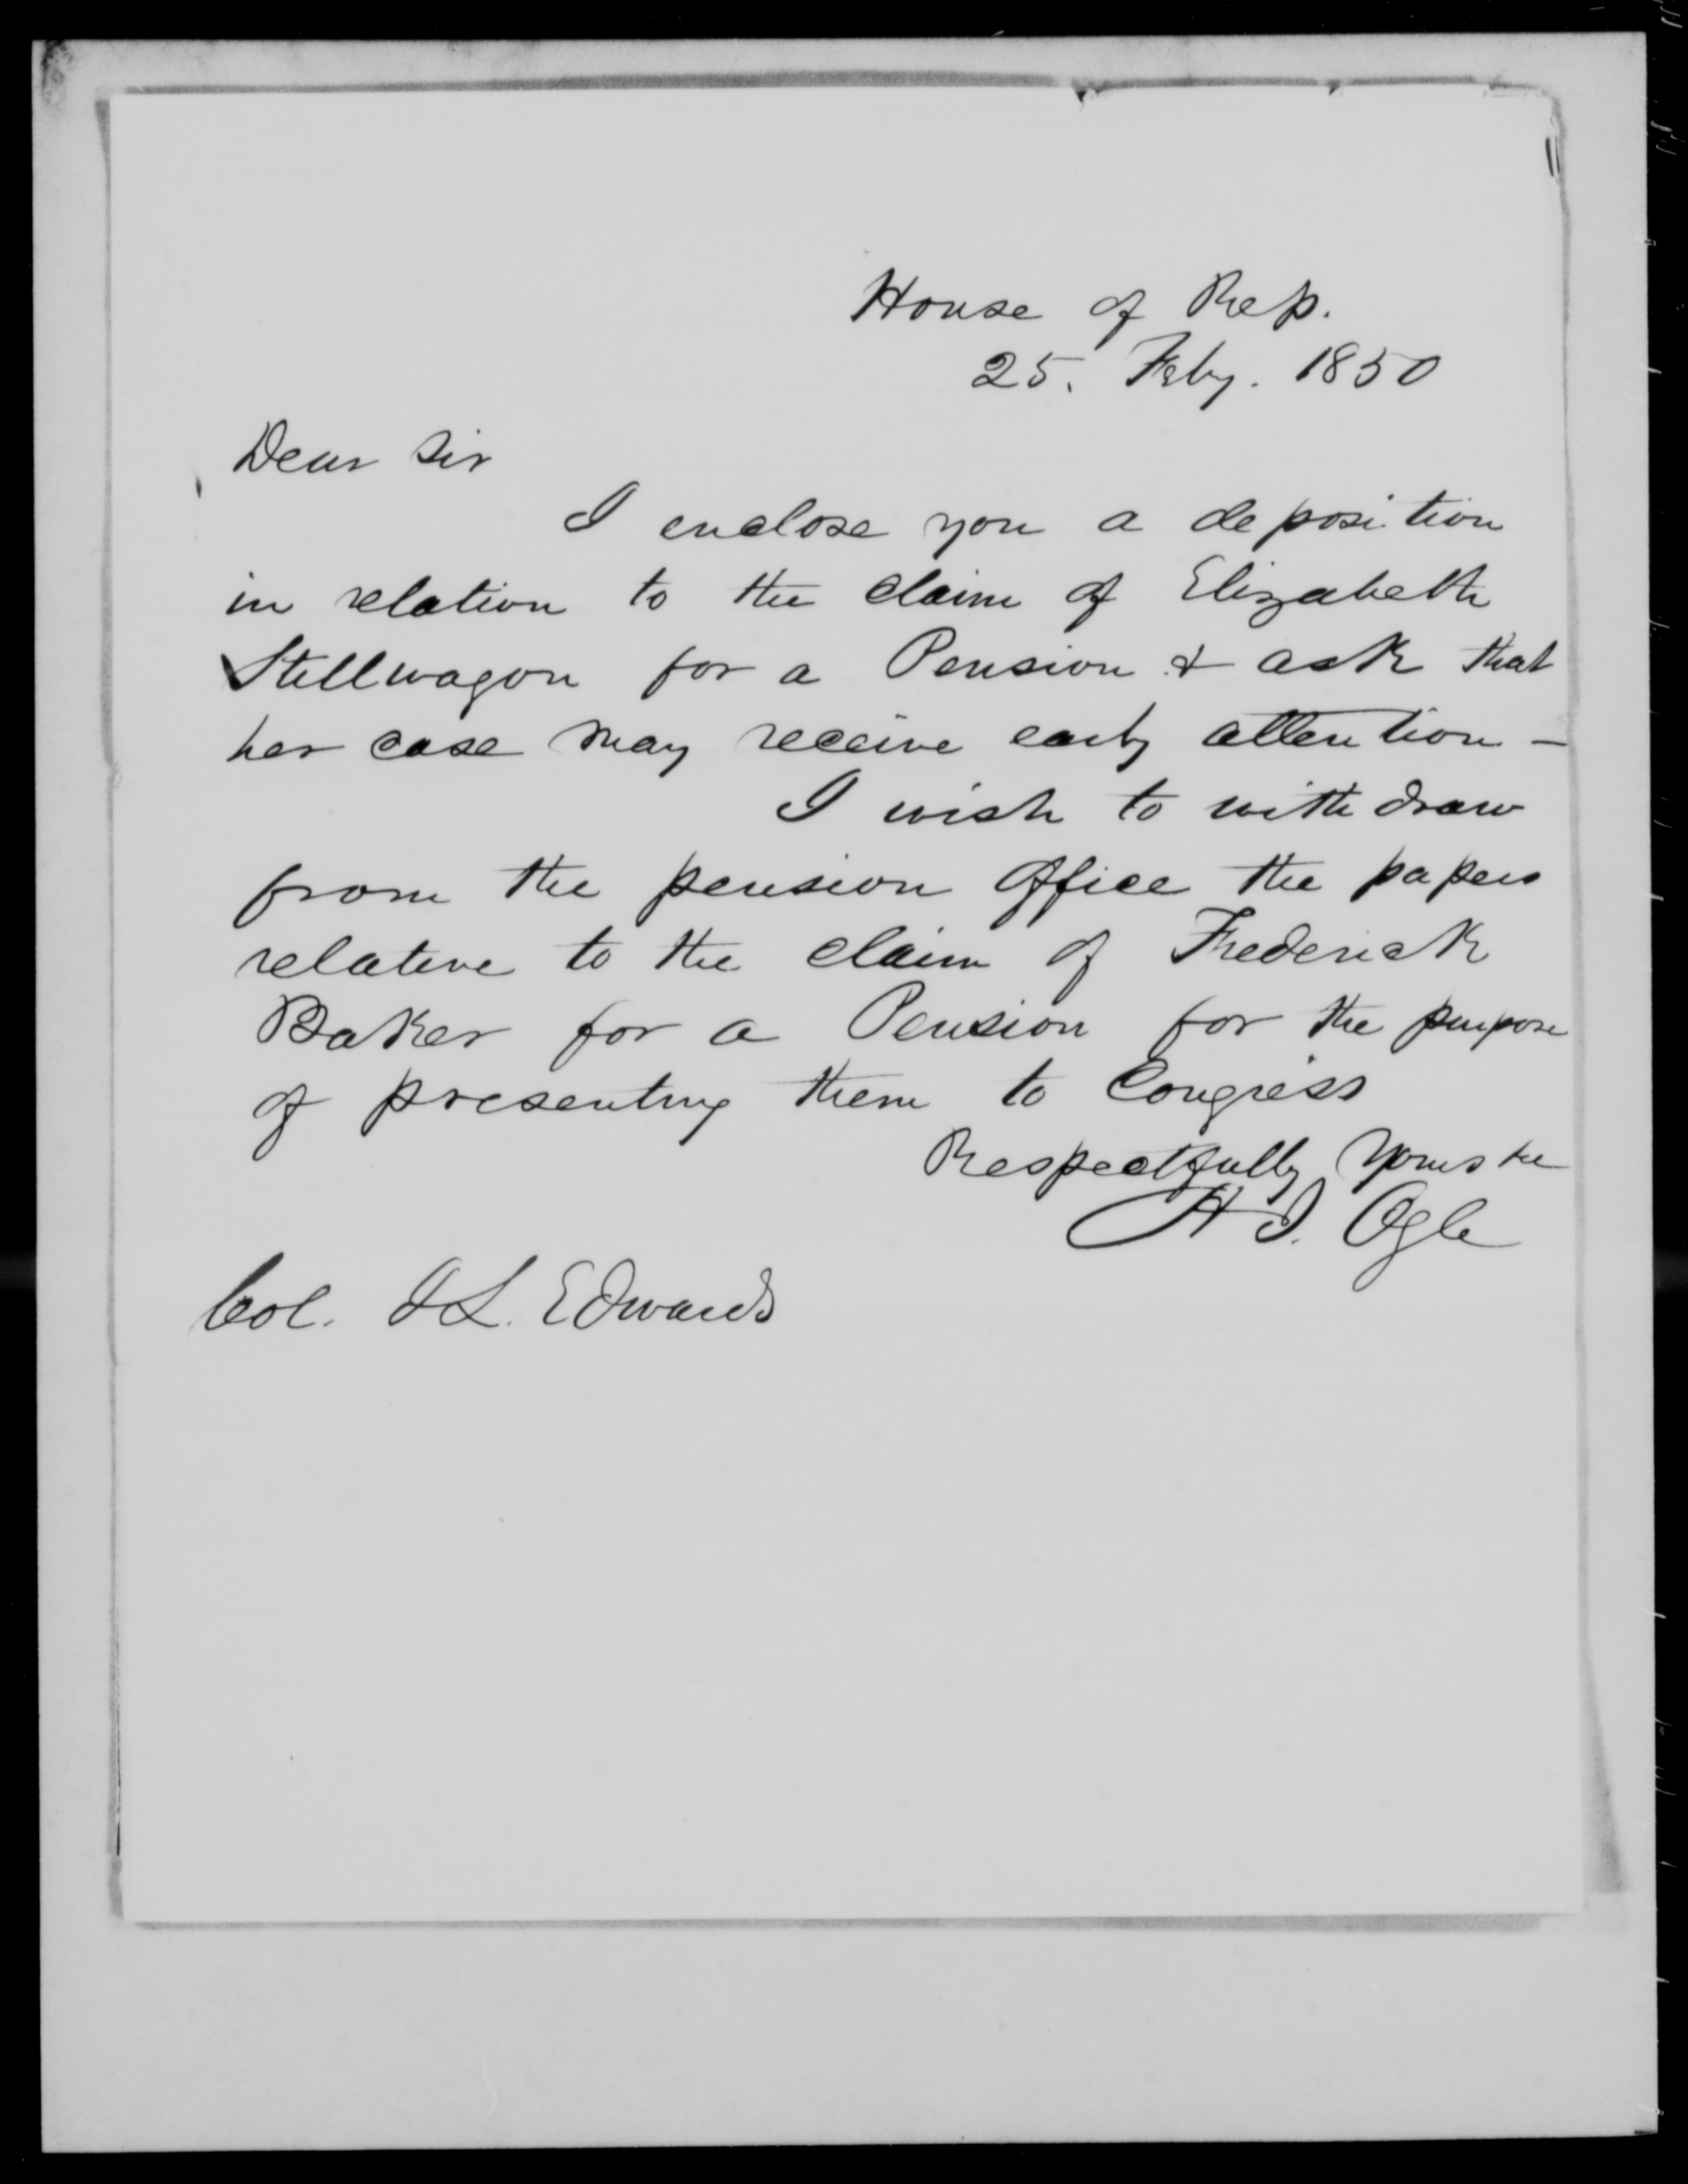House of Rep.
25 Feby 1850
Dear Sir
I enclose you a deposition in relation to the claim of Elizabeth Stillwagon for a Pension & ask that her case may receive early attention.

I wish to withdraw from the Pension Office the papers relative to the claim of Frederick Baker  for a pension for the purpose of presenting them to Congress.

Respectfully Yours
A.J. Ogle

Col. J. L. Edwards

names: A J Ogle; J L Edwards; Elizabeth Stillwagon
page: 47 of 73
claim: widow's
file: W. 3197, for Peter Stillwagon, New Jersey